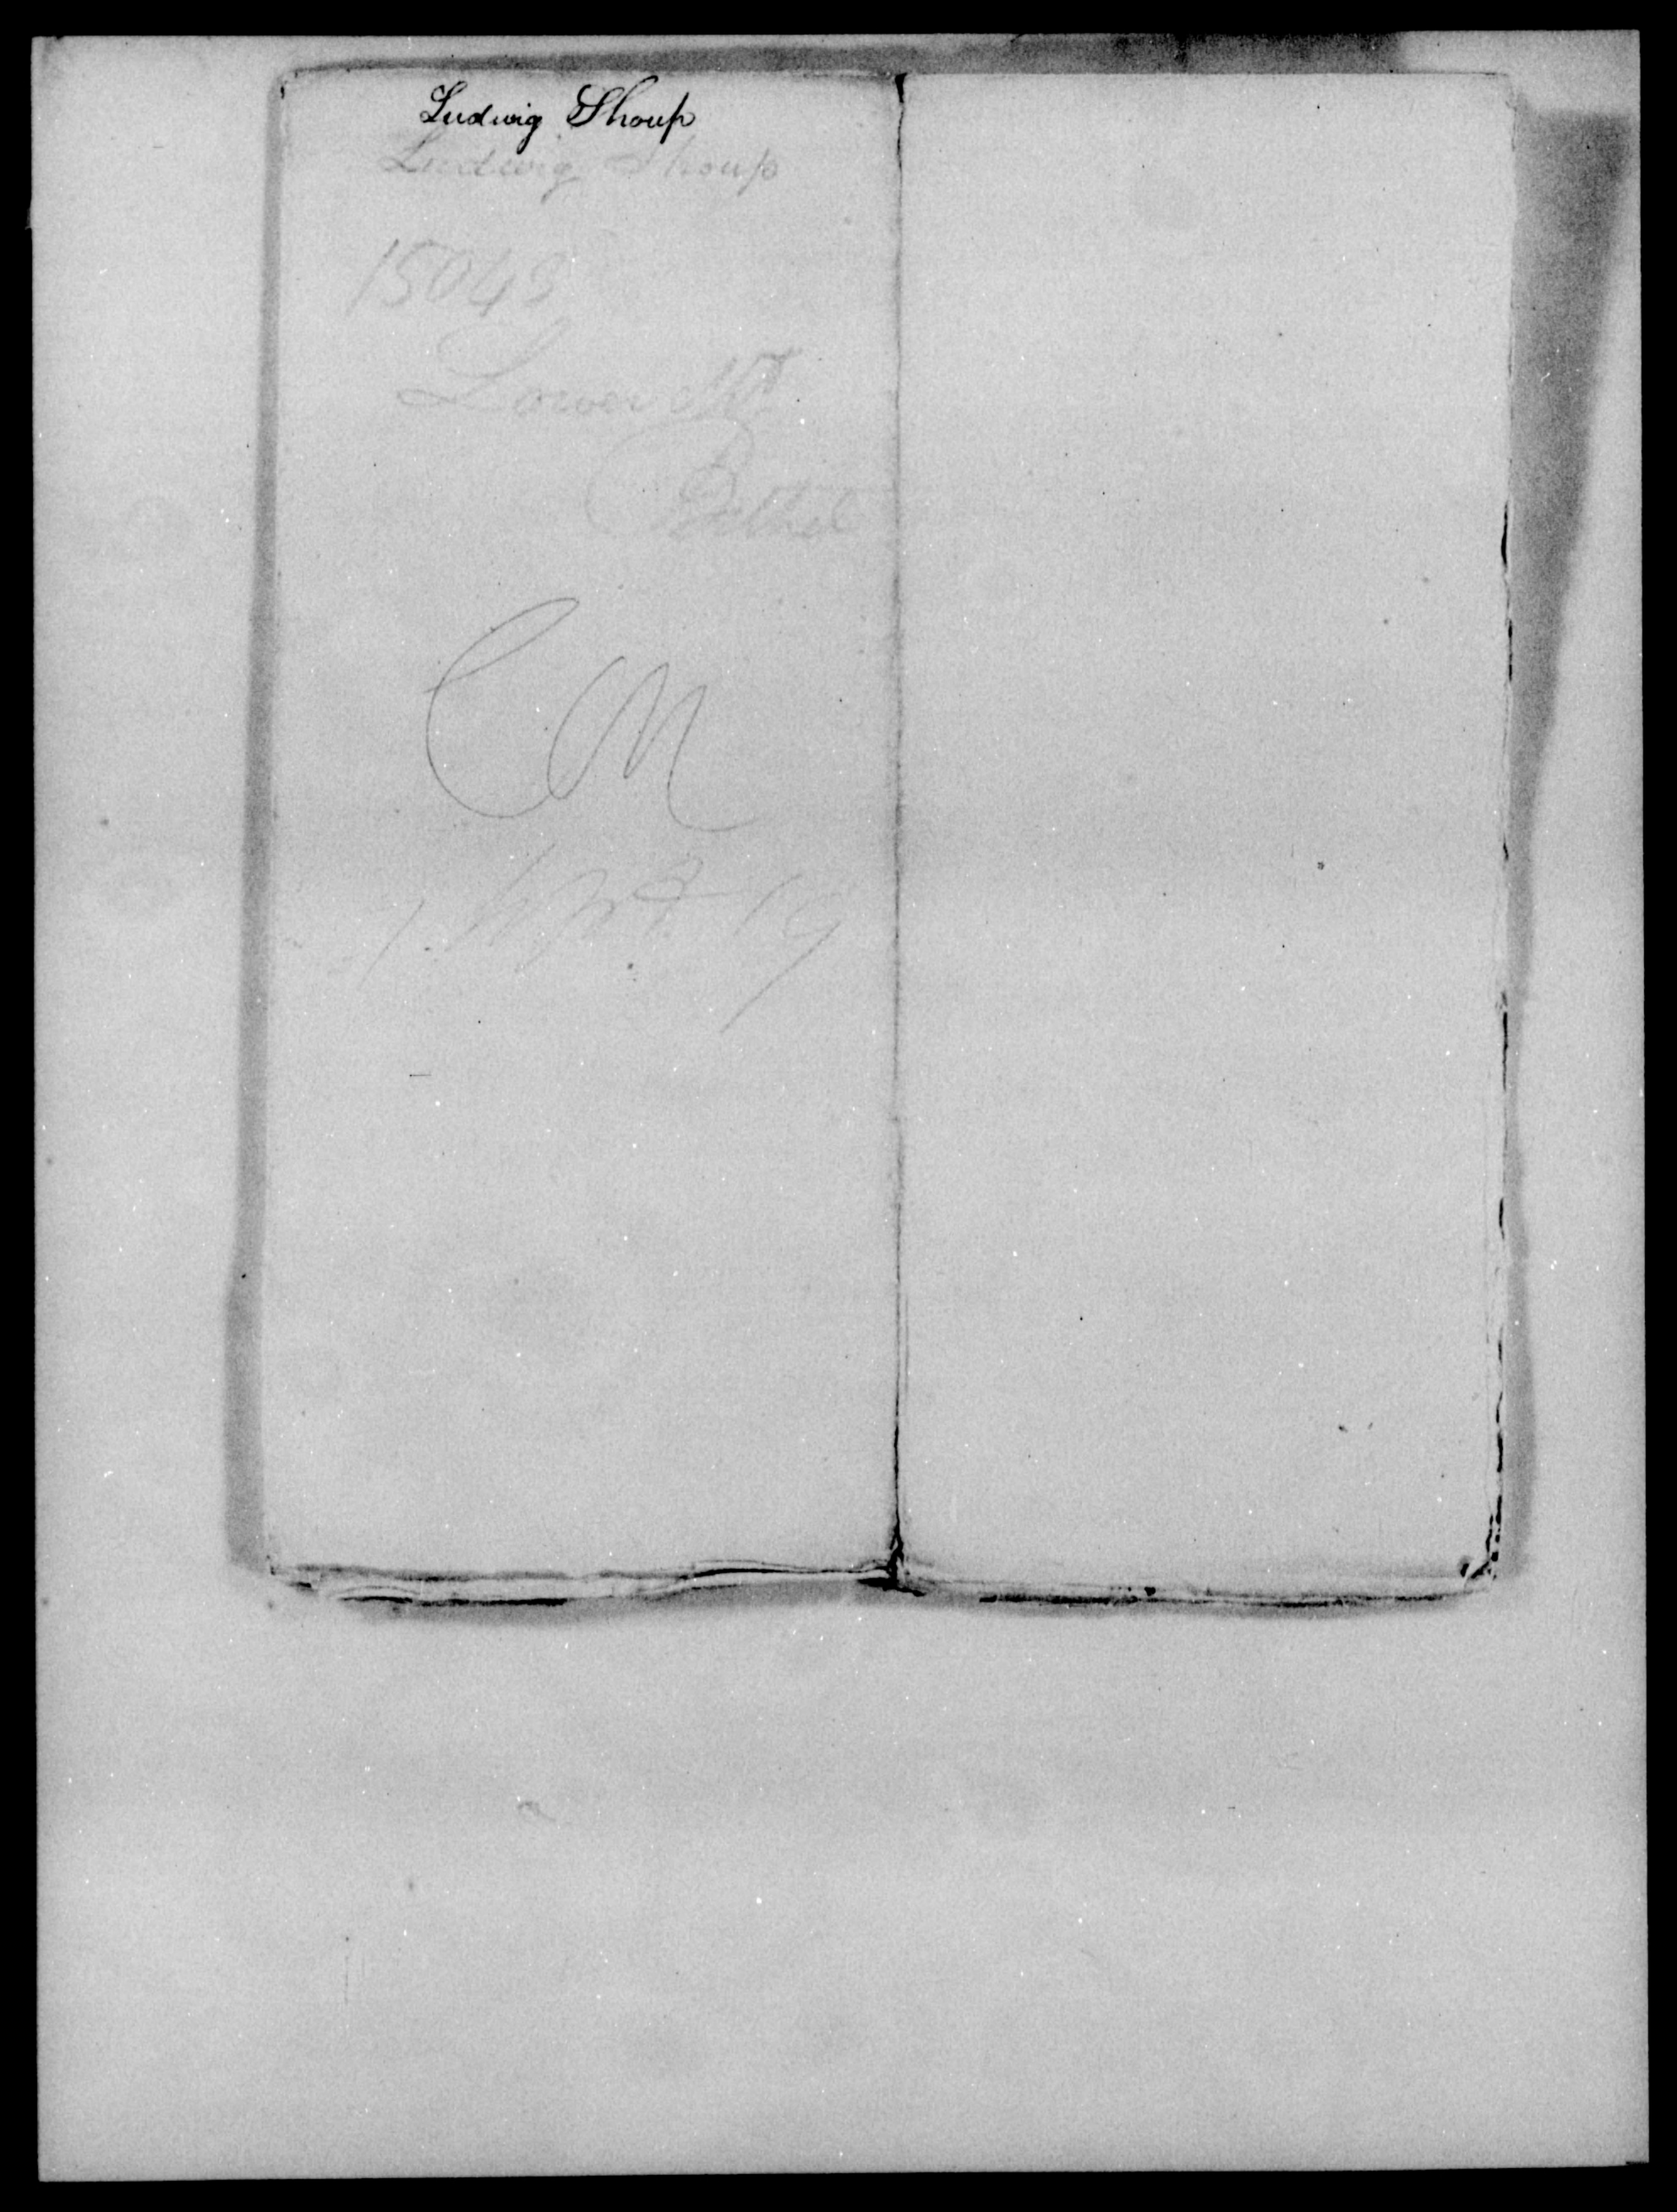Ludwig Shoup

Ludwig Shoup

15043
Lower Mt. 
Bethel

CM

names: Ludwig Shoup; Ludwig Shoup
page: 4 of 19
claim: survivor's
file: S. 40410, for Ludwig Shoup, Pennsylvania